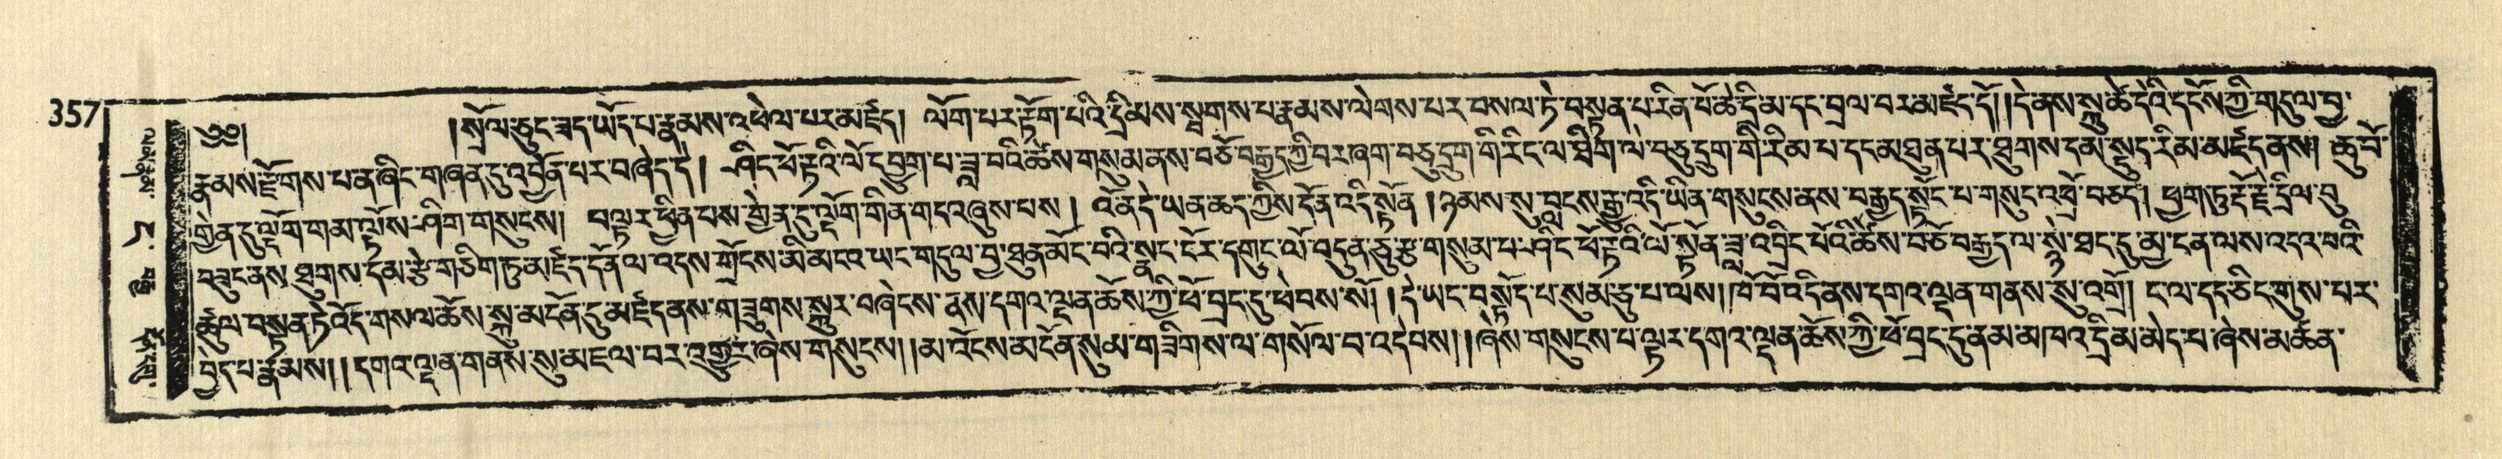༄༅། །སྲོལ་ཅུང་ཟད་ཡོད་པ་རྣམས་འཕེལ་པར་མཛད། ལོག་པར་རྟོག་པའི་དྲི་མས་སྦགས་པ་རྣམས་ལེགས་པར་བསལ་ཏེ་བསྟན་པ་རིན་པོ་ཆེ་དྲི་མ་དང་བྲལ་བར་མཛད་དོ། །དེ་ནས་སྐུ་ཚེ་དེའི་དངོས་ཀྱི་གདུལ་བྱ་
རྣམས་རྫོགས་པ་ན་ཞིང་གཞན་དུ་འབྱོན་པར་བཞེད་དེ། ཤིང་ཕོ་རྟའི་ལོ་དབྱུག་པ་ཟླ་བའི་ཚེས་གསུམ་ནས་བཅོ་བརྒྱད་ཀྱི་བར་ཞག་བཅུ་དྲུག་གི་རིང་ལ་ཐིག་ལེ་བཅུ་དྲུག་གི་རིམ་པ་དང་མཐུན་པར་ཐུགས་དམ་སྡུད་རིམ་མཛད་ནས། ཆུ་བོ་
གྱེན་དུ་ལྡོག་གམ་ལྟོས་ཤིག་གསུངས། བལྟར་ཕྱིན་པས་གྱེན་དུ་ལྡོག་གིན་གདའ་ཞུས་པས། འོ་ན་དེ་ཡན་ཆད་ཀྱིས་དོན་འདི་སྟོན། ཉམས་སུ་བླངས་རྒྱུ་འདི་ཡིན་གསུངས་ནས་བརྒྱད་སྟོང་པ་གསུང་འཕྲོ་བཅད། ཕྱག་ཏུ་རྡོ་རྗེ་དྲིལ་བུ་
བཟུང་ནས་ཐུགས་དམ་རྩེ་གཅིག་ཏུ་མཛད་དོན་ལ་འདས་གྲོངས་མི་མངའ་ཡང་གདུལ་བྱ་ཐུན་མོང་བའི་སྣང་ངོར་དགུང་ལོ་བདུན་ཅུ་རྩ་གསུམ་པ་ཤིང་ཕོ་རྟའི་ལོ་སྟོན་ཟླ་འབྲིང་པོའི་ཚེས་བཅོ་བརྒྱད་ལ་སྙེ་ཐང་དུ་མྱ་ངན་ལས་འདའ་བའི་
ཚུལ་བསྟན་ཏེ་འོད་གསལ་ཆོས་སྐུ་མངོན་དུ་མཛད་ནས་གཟུགས་སྐུར་བཞེངས་ནས་དགའ་ལྡན་ཆོས་ཀྱི་ཕོ་བྲང་དུ་ཕེབས་སོ། །དེ་ཡང་བསྟོད་པ་སུམ་ཅུ་པ་ལས། ཁོ་བོ་འདི་ནས་དགའ་ལྡན་གནས་སུ་འགྲོ། ང་ལ་དད་ཅིང་གུས་པར་
བྱེད་པ་རྣམས། །དགའ་ལྡན་གནས་སུ་མཇལ་བར་འགྱུར་ཞེས་གསུངས། །མ་འོངས་མངོན་སུམ་གཟིགས་ལ་གསོལ་བ་འདེབས། །ཞེས་གསུངས་པ་ལྟར་དགའ་ལྡན་ཆོས་ཀྱི་ཕོ་བྲང་དུ་ནམ་མཁའ་དྲི་མ་མེད་པ་ཞེས་མཚན་